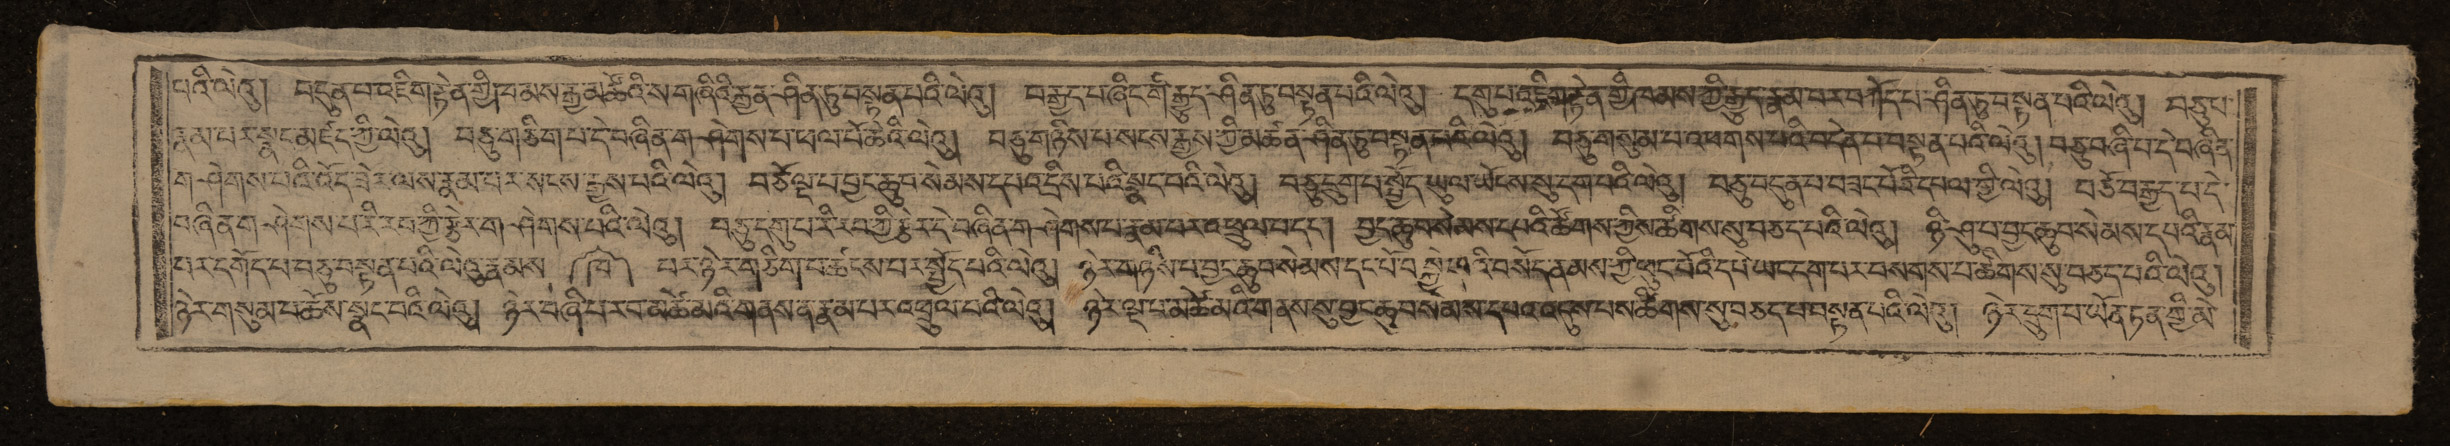བའི་ལེའུ། བདུན་པ་འཇིག་རྟེན་གྱི་ཁམས་རྒྱ་མཚོའི་ས་གཞིའི་རྒྱན་ཤིན་ཏུ་བསྟན་པའི་ལེའུ། བརྒྱད་པ་ཞིང་གི་རྒྱུད་ཤིན་ཏུ་བསྟན་པའི་ལེའུ། དགུ་བ་འཇིག་རྟེན་གྱི་ཁམས་ཀྱི་རྒྱུད་རྣམ་པར་བཀོད་པ་ཤིན་ཏུ་བསྟན་པའི་ལེའུ། བཅུ་བ་
རྣམ་པར་སྣང་མཛད་ཀྱི་ལེའུ། བཅུ་གཅིག་པ་དེ་བཞིན་གཤེགས་པ་ཕལ་བ་ཆེའི་ལེའུ། བཅུ་གཉིས་པ་སངས་རྒྱས་ཀྱི་མཚན་ཤིན་ཏུ་བསྟན་པའི་ལེའུ། བཅུ་གསུམ་པ་འཕགས་པའི་བདེན་པ་བསྟན་པའི་ལེའུ། བཅུ་བཞི་བ་དེ་བཞིན་
གཤེགས་པའི་འོད་ཟེར་ལས་རྣམ་པར་སངས་རྒྱས་པའི་ལེའུ། བཅོ་ལྔ་བ་བྱང་ཆུབ་སེམས་དཔའ་དྲིས་པའི་སྣང་བའི་ལེའུ། བཅུ་དྲུག་པ་སྤྱོད་ཡུལ་ཡོངས་སུ་དག་པའི་ལེའུ། བཅུ་བདུན་པ་བཟང་པོའི་དཔལ་གྱི་ལེའུ། བཅོ་བརྒྱད་པ་དེ་
བཞིན་གཤེགས་པ་རི་རབ་ཀྱི་རྩེར་གཤེགས་པའི་ལེའུ། བཅུ་དགུ་བར་རབ་ཀྱི་རྩེར་དེ་བཞིན་གཤེགས་པ་རྣམ་པར་འཕྲུལ་བ་དང་། བྱང་ཆུབ་སེམས་དཔའི་ཚོགས་ཀྱིས་ཚིགས་སུ་བཅད་པའི་ལེའུ། ཉི་ཤུ་བ་བྱང་ཆུབ་སེམས་དཔའི་རྣམ་
པར་དགོད་པ་བཅུ་བསྟན་པའི་ལེའུ་རྣམས། {ཁ}་བར་ཉེར་གཅིག་པ་ཚངས་པར་སྤྱོད་པའི་ལེའུ། ཉེར་གཉིས་པ་བྱང་ཆུབ་སེམས་དང་བོ་བསྐྱེད་པའི་བསོད་ནམས་ཀྱི་ཕུང་པོའི་དེབ་ཡང་དག་པར་བསགས་པ་ཚིགས་སུ་བཅད་པའི་ལེའུ།
ཉར་གསུམ་པ་ཆོས་སྣང་བའི་ལེའུ། ཉེར་བཞི་བ་རབ་མཚེ་མའི་གནས་ན་རྣམ་པར་འཕྲུལ་བའི་ལེའུ། ཉེར་ལྡ་བ་མཚེ་མའི་གནས་སུ་བྱང་ཆུབ་སེམས་དཔའ་འདུས་པས་ཚིགས་སུ་བཅད་པ་བསྟན་པའི་ལེའུ། ཉེར་དྲུག་པ་ཡོན་ཏན་གྱི་མ་